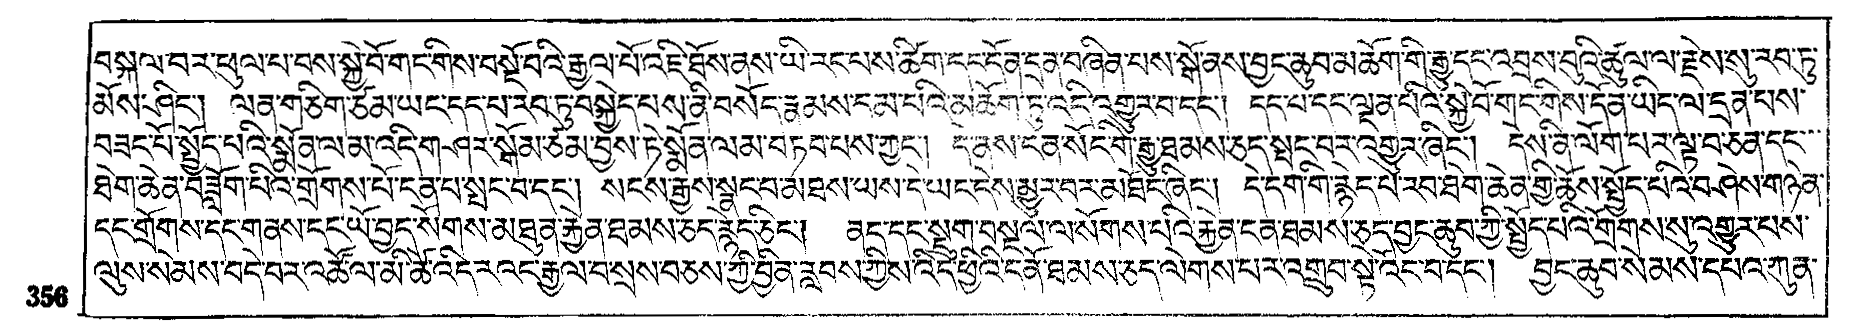བསྐལ་བར་ཕུལ་པ་བས་སྐྱེ་བོ་གང་གིས་བསྔོ་བའི་རྒྱལ་པོ་འཇི་ཐོས་ནས་ཡི་རང་པས་ཚིག་དང་དོན་དྲན་བཞིན་པས་སྒོ་ནས་བྱང་ཆུབ་མཆོག་གི་རྒྱུ་དང་འབྲས་བུའི་ཚུལ་ལ་རྗེས་སུ་རབ་ཏུ་
མོས་ཤིང་། ལན་གཅིག་ཙམ་ཡང་དད་པ་རབ་ཏུ་བསྐྱེད་པས་ནི་བསོད་རྣམས་དམ་པའི་མཆོག་ཏུ་འདི་འགྱུར་བ་དང་། དད་པ་དང་ལྡན་པའི་སྐྱེ་བོ་གང་གིས་དོན་ཡིད་ལ་དྲན་པས་
བཟང་པོ་སྤྱོད་པའི་སྨོན་ལམ་འདི་གཤར་སྒོམ་ཙམ་བྱས་ཏེ་སྨོན་ལམ་བཏབ་པས་ཀྱང་། དེ་ནས་ངན་སོང་གི་རྒྱུ་ཐམས་ཅད་སྤང་བར་འགྱུར་ཞིང་། དེས་ནི་ལོག་པར་ལྟ་བ་ཅན་དང་
ཐེག་ཆེན་བཟློག་པའི་གྲོགས་པོ་ངན་པ་སྤང་བ་དང་། སངས་རྒྱས་སྣང་བ་མཐའ་ཡས་དེ་ཡང་དེས་མྱུར་བར་མཐོང་ཞིང་། དེ་དག་གི་རྙེད་པ་རབ་ཐེག་ཆེན་གྱི་ཆོས་སྤྱོད་པའི་བཤེས་གཉེན་
དང་གྲོགས་དང་གནས་དང་ཡོ་བྱད་སོགས་མཐུན་རྐྱེན་ཐམས་ཅད་རྙེད་ཅིང་། ནང་དང་སྡུག་བསྔལ་ལ་སོགས་པའི་རྐྱེན་ངན་ཐམས་ཅད་བྱང་ཆུབ་ཀྱི་སྤྱོད་པའི་གྲོགས་སུ་འགྱུར་པས་
ལུས་སེམས་བདེ་བར་འཚོ་ལ་མི་ཚེ་འདི་རའང་རྒྱལ་བ་སྲས་བཅས་ཀྱི་བྱིན་རླབས་ཀྱིས་འདི་ཕྱིའི་དོན་ཐམས་ཅད་ལེགས་པར་འགྲུབ་སྟེ་འོང་བ་དང་། བྱང་ཆུབ་སེམས་དཔའ་ཀུན་